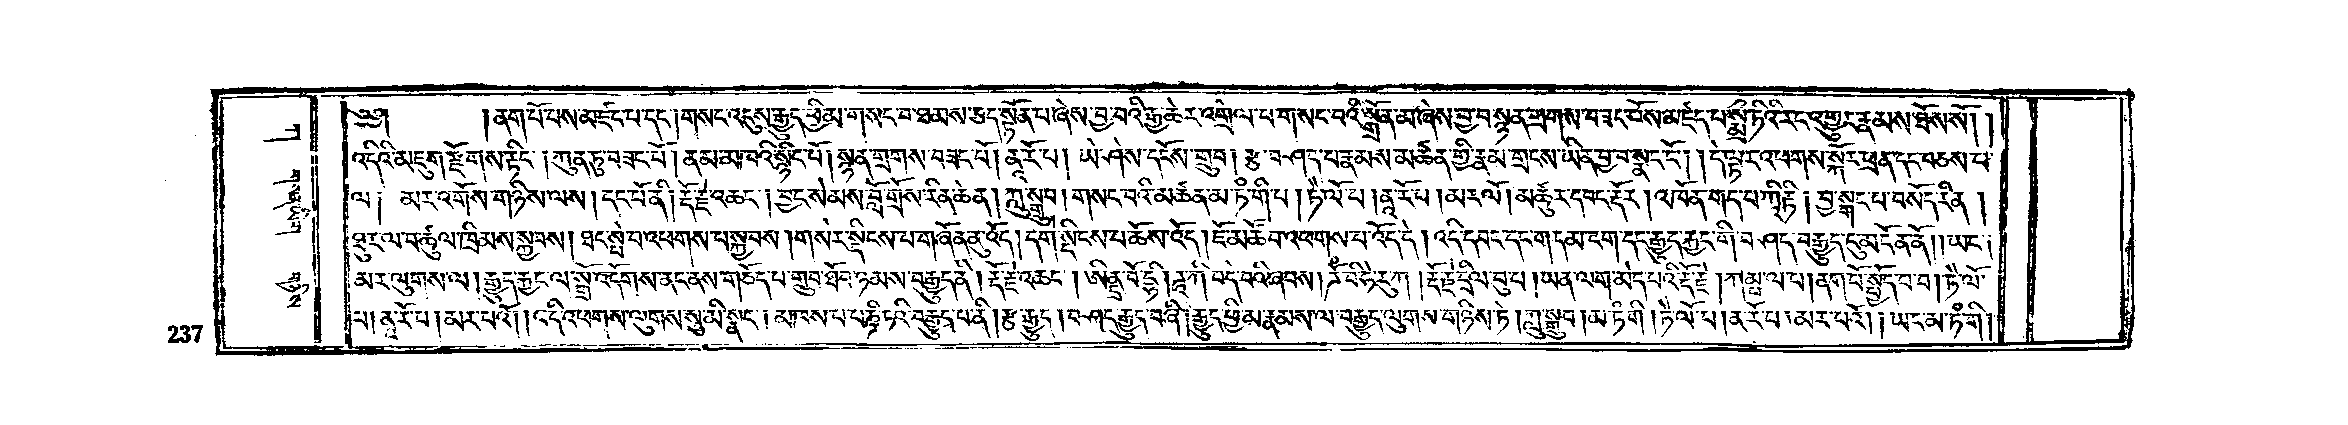༄༅། །ནག་པོ་པས་མཛད་པ་དང་། གསང་འདུས་རྒྱུད་ཕྱི་མ་གསང་བ་ཐམས་ཅད་སྟོན་པ་ཞེས་བྱ་བའི་རྒྱ་ཆེར་འགྲེལ་པ་གསང་བའི་སྒྲོན་མ་ཞེས་བྱ་བ་སྙན་གྲགས་བཟང་པོས་མཛད་པ་སྨྲྀ་ཏིའི་རང་འགྱུར་རྣམས་ཐོས་སོ། །
འདིའི་མཇུག་རྫོགས་རྟིང་། ཀུན་ཏུ་བཟང་པོ། ནམ་མཁའི་སྙིང་པོ། སྙན་གྲགས་བཟང་པོ། ནཱ་རོ་པ། ཡེ་ཤེས་དངོས་གྲུབ། རྩ་བཤད་པ་རྣམས་མཚན་གྱི་རྣམ་གྲངས་ཡིན་བྱ་བ་སྣང་ངོ། །དེ་ལྟར་འཕགས་སྐོར་ཕྲན་དང་བཅས་པ་
ལ། མར་འགོས་གཉིས་ལས། དང་པོ་ནི། རྡོ་རྗེ་འཆང་། བྱང་སེམས་བློ་གྲོས་རིན་ཆེན། ཀླུ་སྒྲུབ། གསང་བའི་མཚན་མ་ཏཾ་གི་པ། ཏཻ་ལོ་པ། ནཱ་རོ་པ། མར་ལོ། མཚུར་དབང་རྡོར། འཁོན་གད་པ་ཀཱིརྟི། བྱ་སྒང་པ་བསོད་རིན།
ཐུར་ལ་བ་ཚུལ་ཁྲིམས་སྐྱབས། ཐང་སྤེ་བ་འཕགས་པ་སྐྱབས། གསེར་སྡིངས་པ་གཞོན་ནུ་འོད། དགེ་སྡིངས་པ་ཆོས་འོད། ཇོ་མཚོ་བ་འཕགས་པ་འོད་དེ། འདི་དབང་དང་གདམ་ངག་དང་རྒྱུད་རྐྱང་གི་བཤད་བརྒྱུད་དུ་མངོན་ནོ། །ཡང་།
མར་ལུགས་ལ། རྒྱུད་རྐྱང་ལ་སྒྲོ་འདོགས་ནང་ནས་གཅོད་པ་གྲུབ་ཐོབ་ཉམས་བརྒྱུད་ནི། རྡོ་རྗེ་འཆང་། ཨིནྡྲ་བོ་དྷི། ཌཱ་ཀི་བདེ་བའི་ཞབས། ཌོཾ་བི་ཧེ་རུ་ཀ། རྡོ་རྗེ་དྲིལ་བུ་པ། ཡན་ལག་མེད་པའི་རྡོ་རྗེ། ཀམྤ་ལ་པ། ནག་པོ་སྤྱོད་པ་བ། ཏཻ་ལོ་
པ། ནཱ་རོ་པ། མར་པའོ། །འདི་འཕགས་ལུགས་སུ་མི་སྣང་། མཁས་པ་པཎྜི་ཏའི་བརྒྱུད་པ་ནི། རྩ་རྒྱུད། བཤད་རྒྱུད་བཞི། རྒྱུད་ཕྱི་མ་རྣམས་ལ་བརྒྱུད་ལུགས་གཉིས་ཏེ། ཀླུ་སྒྲུབ། མ་ཏཾ་གི། ཏཻ་ལོ་པ། ན་རོ་པ། མར་པའོ། །ཡང་མ་ཏཾ་གི།